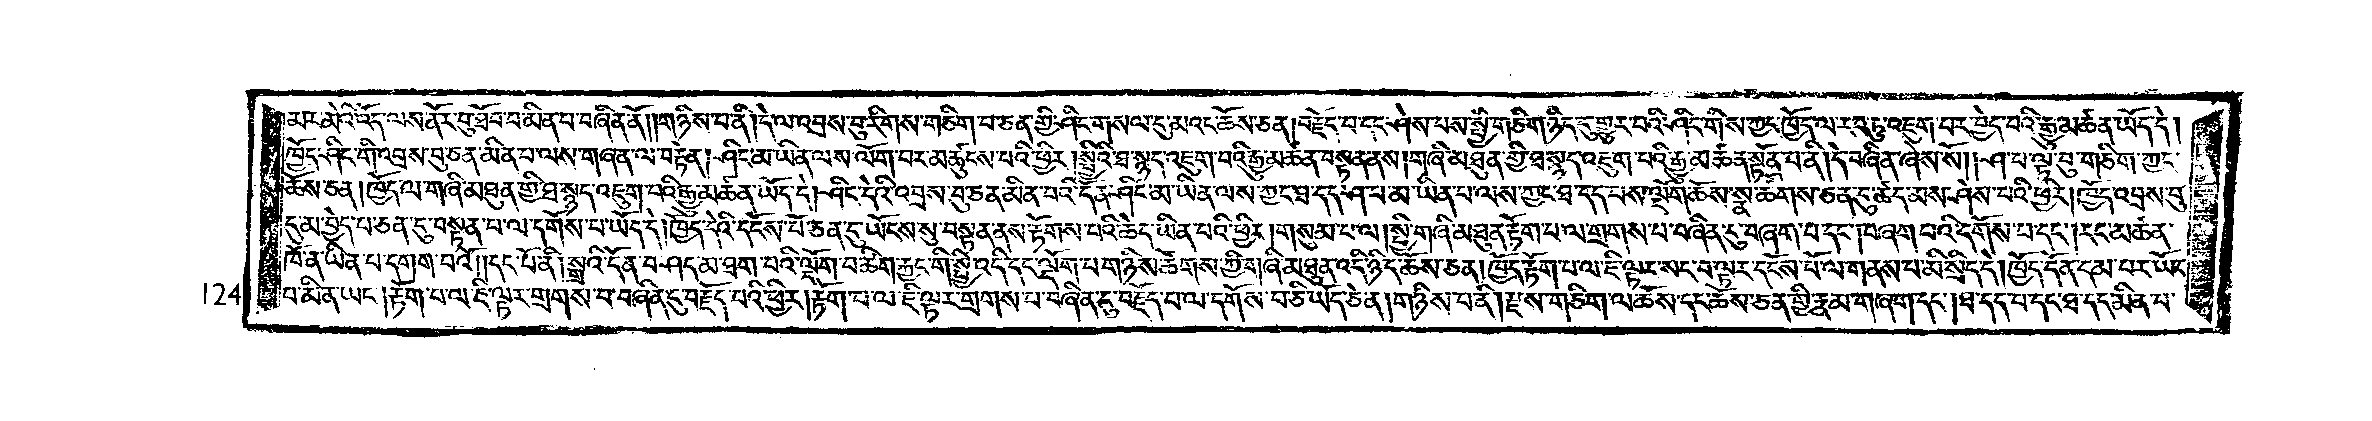མར་མེའི་འོད་ལས་ནོར་བུ་ཐོབ་པ་མིན་པ་བཞིན་ནོ། །གཉིས་པ་ནི། དེ་ལ་འབྲས་བུ་རིགས་གཅིག་པ་ཅན་གྱི་ཤིང་གསལ་དུ་མའང་ཆོས་ཅན། བརྗོད་པ་དང་ཤེས་པས་སྤྱི་གཅིག་ཉིད་དུ་གྱུར་པའི་ཤིང་གིས་ཀྱང་ཁྱོད་ལ་རབ་ཏུ་འཇུག་པར་བྱེད་བའི་རྒྱུ་མཚན་ཡོད་དེ།
ཁྱོད་ཤིང་གི་འབྲས་བུ་ཅན་མིན་པ་ལས་གཞན་ལ་བརྟེན། ཤིང་མ་ཡིན་ལས་ལོག་པར་མཚུངས་པའི་ཕྱིར། སྤྱིའི་ཐ་སྙད་འཇུག་པའི་རྒྱུ་མཚན་བསྟན་ནས། གཞི་མཐུན་གྱི་ཐ་སྙད་འཇུག་པའི་རྒྱུ་མཚན་སྟོན་པ་ནི། དེ་བཞིན་ཞེས་སོ། །ཤ་པ་ལྟ་བུ་གཅིག་ཀྱང་
ཆོས་ཅན། ཁྱོད་ལ་གཞི་མཐུན་གྱི་ཐ་སྙད་འཇུག་པའི་རྒྱུ་མཚན་ཡོད་དེ། ཤིང་དེའི་འབྲས་བུ་ཅན་མིན་པའི་དོན་ཤིང་མ་ཡིན་ལས་ཀྱང་ཐ་དད་ཤ་པ་མ་ཡིན་པ་ལས་ཀྱང་ཐ་དད་པས་ལྡོག་ཆོས་སྣ་ཚོགས་ཅན་དུ་ཚད་མས་ཤེས་པའི་ཕྱིར། ཁྱོད་འབྲས་བུ་
དུ་མ་བྱེད་པ་ཅན་དུ་བསྟན་པ་ལ་དགོས་པ་ཡོད་དེ། ཁྱོད་དེའི་དངོས་པོ་ཅན་དུ་ཡོངས་སུ་བསྟན་ནས་རྟོགས་པའི་ཆེད་ཡིན་པའི་ཕྱིར། གསུམ་པ་ལ། སྤྱི་གཞི་མཐུན་རྟོག་པ་ལ་གྲགས་པ་བཞིན་དུ་བཞག་པ་དང་། བཞག་པའི་དགོས་པ་དང་། རང་མཚན་
ཁོ་ན་ཡིན་པ་དགག་པའོ། །དང་པོ་ནི། སྒྲའི་དོན་བཤད་མ་ཐག་པའི་ལྡོག་པ་ཚིག་རྐྱང་གི་སྤྱི་འདི་དང་ལྡོག་པ་གཉིས་ཚོགས་ཀྱི་གཞི་མཐུན་འདི་ཉིད་ཆོས་ཅན། ཁྱོད་རྟོག་པ་ལ་ཇི་ལྟར་སང་བ་ལྟར་དངོས་པོ་ལ་གནས་པ་མི་སྲིད་དེ། ཁྱོད་དོན་དམ་པར་ཡོད་
པ་མིན་ཡང་། རྟོག་པ་ལ་ཇི་ལྟར་གྲགས་པ་བཞིན་དུ་བརྗོད་པའི་ཕྱིར། རྟོག་པ་ལ་ཇི་ལྟར་གྲགས་པ་བཞིན་དུ་བརྗོད་པ་ལ་དགོས་པ་ཅི་ཡོད་ཅེ་ན། གཉིས་པ་ནི། རྫས་གཅིག་ལ་ཆོས་དང་ཆོས་ཅན་གྱི་རྣམ་གཞག་དང་། ཐ་དད་པ་དང་ཐ་དད་མིན་པ་